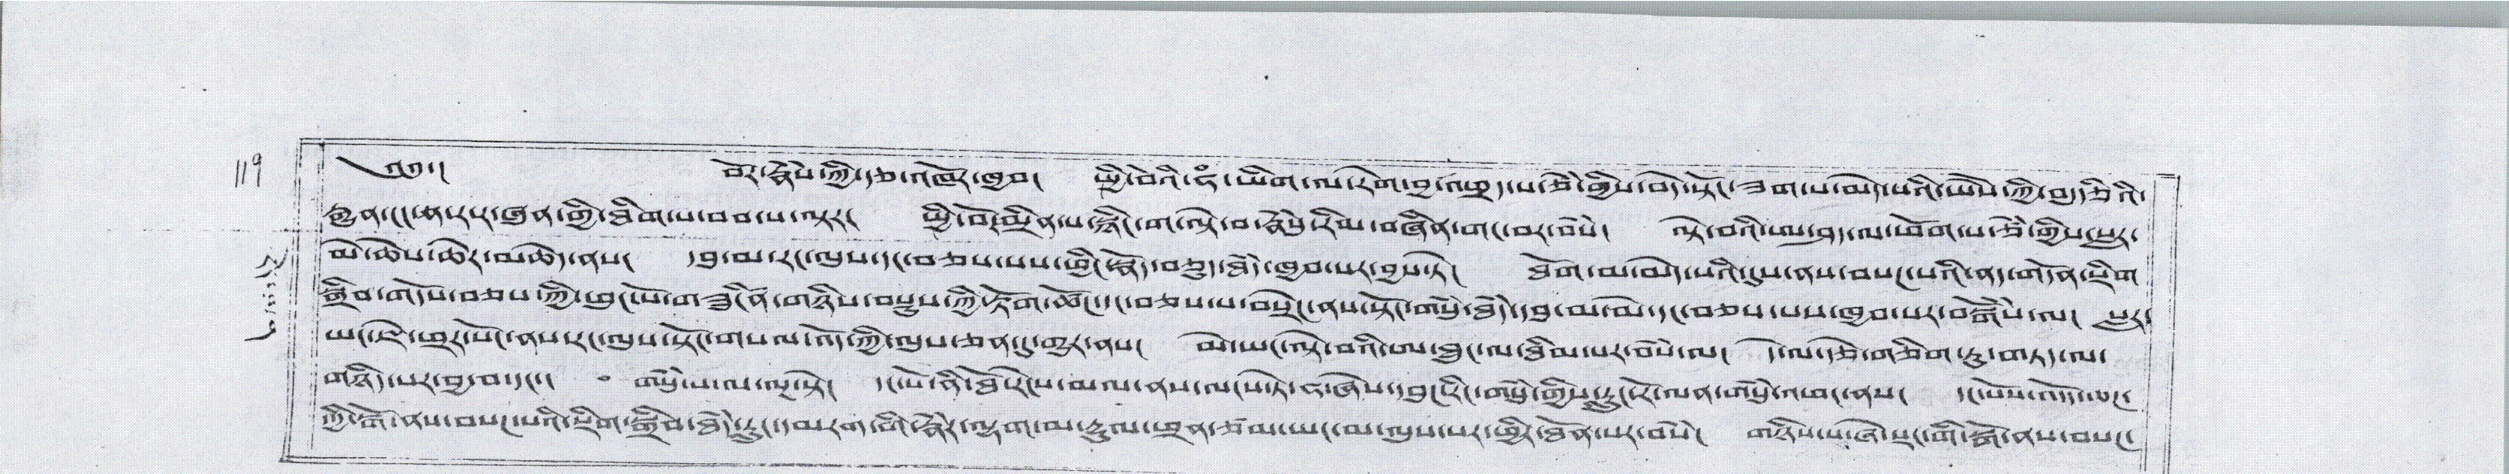བོར་རྣམས་ཀྱི་རྩ་འཁོར་ཁྱབ། སྤྱི་བོའི་ཧཾ་ཡིག་ལ་རེག་བྱ་འཕྲད་པ་ཙམ་གྱིས་བདེ་སྟོང་ཟག་པ་མེད་པའི་ཡེ་ཤེས་ཀྱི་བདུད་རྩིའི་
རྒྱུན་ངང་ན་ར་ར་ཞུན་གྱི་ཐིག་པ་བབ་པ་ལྟར། སྤྱི་བོར་མགྲིན་པ་སྙིང་ག་ལྟེ་བ་རྣམས་སུ་རིམ་བཞིན་གང་བར་བསམ། ལྟེ་བའི་ཨ་ཤད་ལ་ཕོག་པ་ཙམ་གྱིས་སླར་
མེ་ཆེས་ཆེར་མཆེད་ནས། དབུ་མ་རང་ལུས་དང་བཅས་པས་ཕྱི་ནང་སྣོད་བཅུད་ཐམས་ཅད་ཁྱབ་པར་བྱས་ཏེ། ཐོག་མ་མེད་པའི་དུས་ནས་བསགས་པའི་ནད་གདོན་སྡིག་
སྒྲིབ་གདོས་བཅས་ཀྱི་ཕུང་པོ་གཟུང་འཛིན་གཉིས་བསྡུས་ཀྱི་རྟོག་ཚོགས་དང་བཅས་པ་བསྲེགས་ནས་སྟོང་གསུམ་ཐམས་ཅད་དབུ་མ་མེ་དང་བཅས་པས་ཁྱབ་པར་བསྒོམས་ལ། སླར་
ཡང་ཇེ་ཕྲར་སོང་ནས་རང་ལུས་སྟོང་གསལ་འོད་ཀྱི་ལུས་ཅན་དུ་གྱུར་ནས། མེ་ཡང་ལྟེ་བའི་ཨ་ཐུང་ལ་ཐིམ་པར་བསམ་ལ། དེ་ལ་རྩེ་གཅིག་ཏུ་གཏད་ལ་
གཉིད་པར་བྱ་བ་དང། གསུམ་པ་ལ་ལྔ་སྟེ། དང་པོ་ནི་ཐོ་རེངས་མལ་ནས་ལངས་ཏེ་ཧ་ཞེས་དབུགས་རིང་གསུམ་གྱིས་རླུང་རོ་ལན་གསུམ་འཕང་ནས། དང་པོས་འདོད་ཆགས་
ཀྱི་སྒོ་ནས་བསགས་པའི་སྡིག་སྒྲིབ་ཐམས་ཅད་རླུང་དམར་ནག་གི་རྣམ་པར་ལྷག་མ་རྡུལ་ཕྲན་ཙམ་ཡང་མ་ལུས་པར་ཕྱིར་ཐོན་པར་བསམ། གཉིས་པ་ཞེ་སྡང་གི་སྒོ་ནས་བསགས་